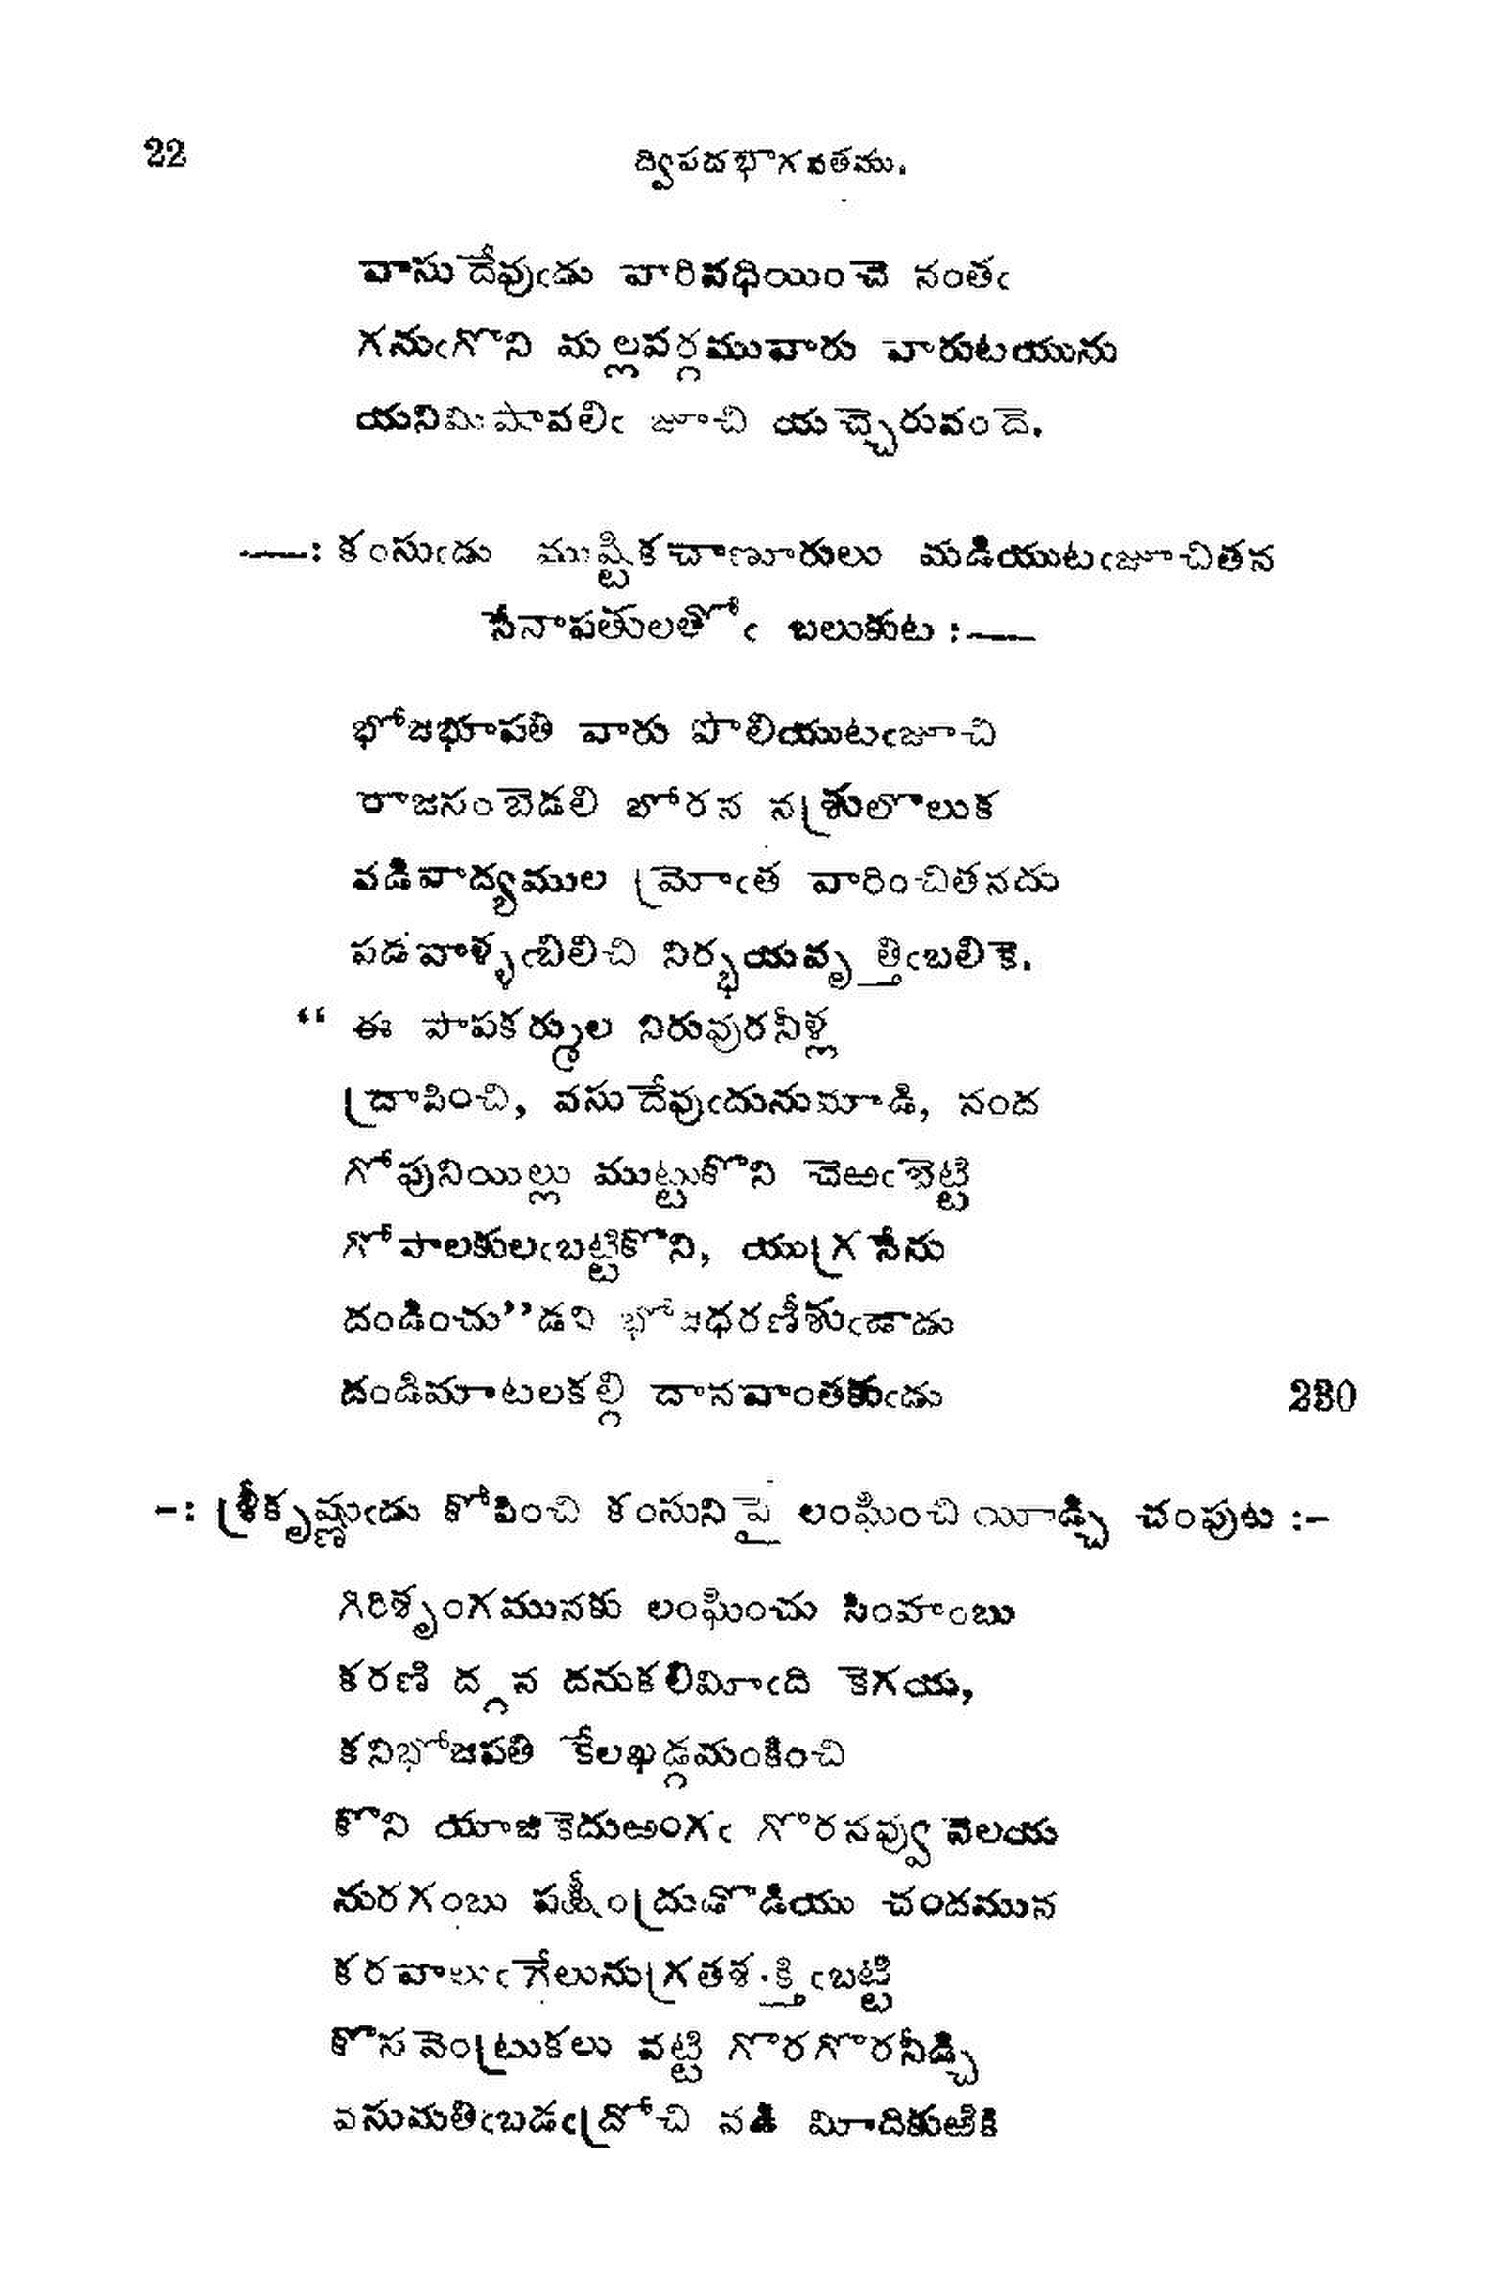వాసుదేవుఁడు వారి వధియించె నంతఁ
గనుఁగొని మల్లవర్గమువారు వారుటయును
యనిమిషావలిఁ జూచి యచ్చెరువందె.

భోజభూపతి వారు పొలియుటఁ జూచి
రాజసం బెడలి బోరన నశ్రులొలుక
వడివాద్యముల మ్రోఁత వారించి తనదు
పడవాళ్ళఁ బిలిచి నిర్భయవృత్తిఁ బలికె.
“ఈపాపకర్ముల నిరువుర నీళ్ల
ద్రాపించి, వసుదేవుఁ దునుమాడి, నంద
గోపునియిల్లు ముట్టుకొని చెఱఁబెట్టి
గోపాలకులఁ బట్టికొని, యుగ్రసేను
దండించు”డని భోజధరణీశుఁ డాడు
దండిమాటల కల్గి దానవాంతకుఁడు

గిరిశృంగమునకు లంఘించు సింహంబు
కరణి దన్గదనుకలిమీఁది కెగయ,
కని భోజపతి కేల ఖడ్గ మంకించి
కొని యాజ కెదుఱంగఁ గొరనవ్వు వెలయ
నురగంబు పక్షీంద్రుఁ డొడియు చందమున
కరవాలుఁగేలు నుగ్రతశక్తిఁ బట్టి
కొసవెంట్రుకలు వట్టి గొరగొర నీడ్చి
వసుమతిఁ బడఁద్రోచి వడి మీదికుఱికి